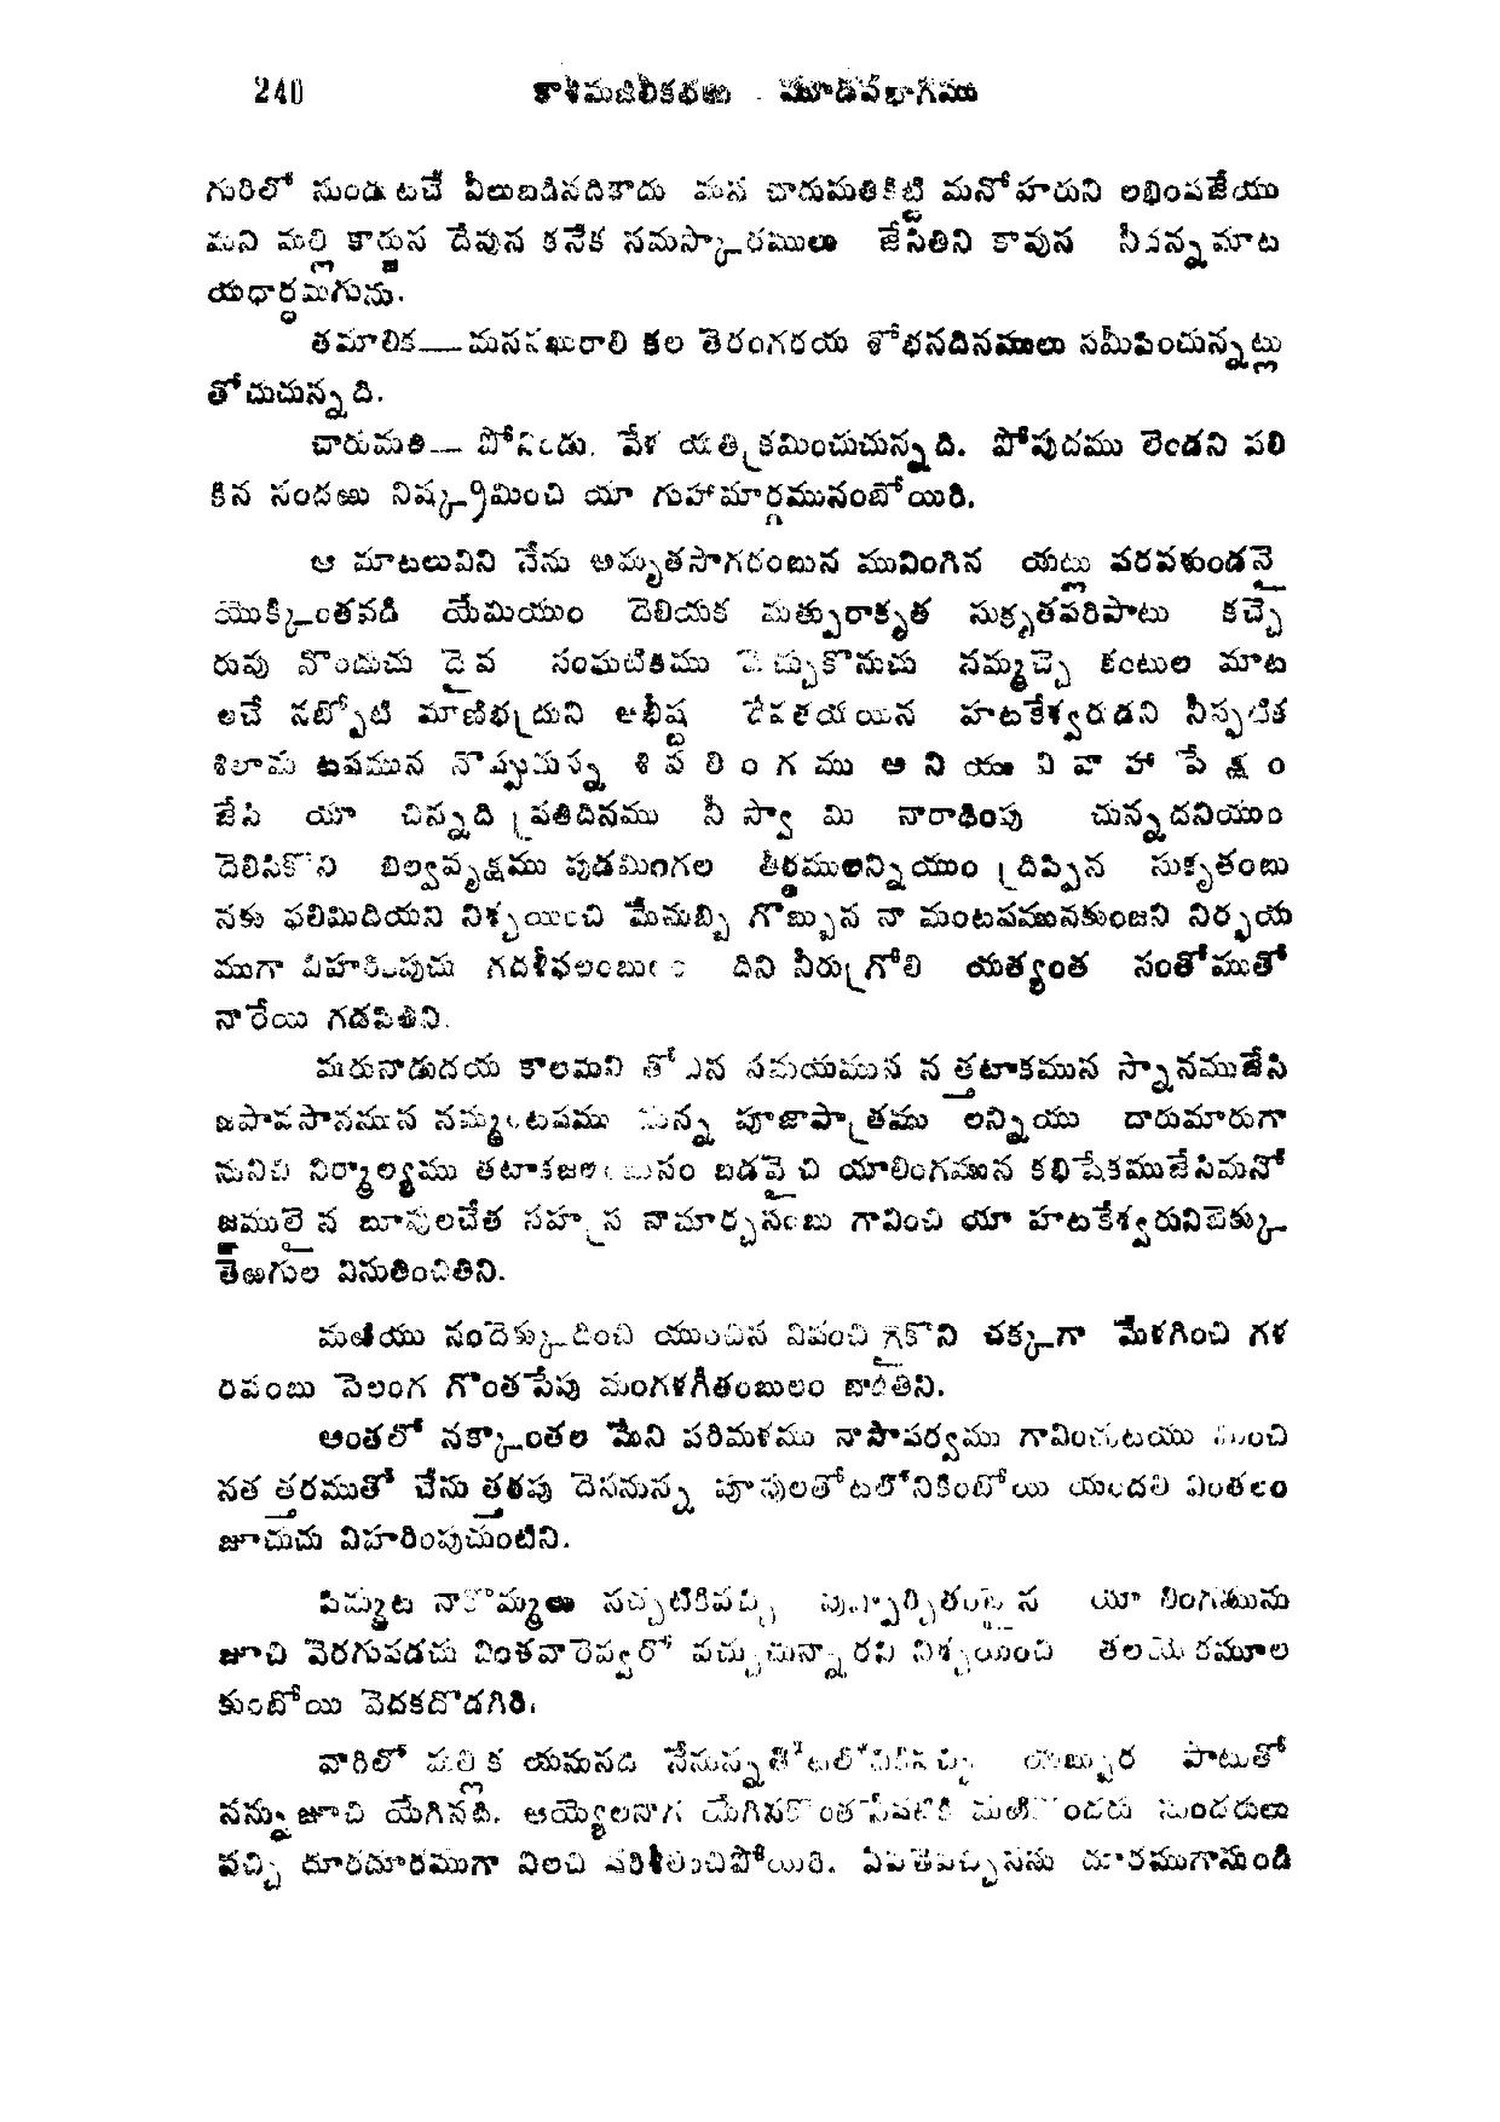గురిలో నుండుటచే వీలుబడినదికాదు మన చారుమతికిట్టి మనోహరుని లభింపజేయుమని మల్లికార్జునదేవున కనేక నమస్కారములు జేసితిని కావున నీవన్నమాట యధార్ధమగును.

తమాలిక - మనసఖురాలి కల తెరంగరయ శోభనదినములు సమీపించున్నట్లు తోచుచున్నది.

చారుమతి - పోనిండు. వేళ యతిక్రమించుచున్నది. పోవుదము లెండని పలికిన నందఱు నిష్క్రమించి యా గుహామార్గమునంబోయిరి.

ఆ మాటలువిని నేను అమృతసాగరంబున మునింగిన యట్లు పరవశుండనై యొక్కింతవడి యేమియుం దెలియక మత్పురాకృత సుకృతపరిపాటు కచ్చెరువు నొందుచు దైవ సంఘటితము మెచ్చుకొనుచు నమ్మచ్చెకంటుల మాటలచే నబ్బోటి మాణిభద్రుని అభీష్ట దేవతయయిన హటకేశ్వరుడని నీస్ఫటికశిలామంటపమున నొప్పుచున్న శివలింగము అనియు వివాహాపేక్షం జేసి యా చిన్నది ప్రతిదినము నీస్వామి నారాధింపు చున్నదనియుం దెలిసికొని బిల్వవృక్షము పుడమింగల తీర్థములన్నియుం ద్రిప్పిన సుకృతంబునకు ఫలమిదియని నిశ్చయించి మే నుబ్బి గొబ్బున నా మంటపమునకుంజని నిర్భయముగా విహరింపుచు గదళీఫలంబులు దిని నీరుగ్రోలి యత్యంత సంతోషముతో నారేయి గడపితిని.

మరునా డుదయకాలమని తోచిన సమయమున నత్తటాకమున స్నానముజేసి జపావసానమున నమ్మంటపము నున్న పూజాపాత్రము లన్నియు దారుమారుగా నునిచి నిర్మాల్యము తటాకజలంబునం బడవైచి యాలింగమున కభిషేకము జేసి మనోజ్ఞములైన బూవులచేత సహస్రనామార్చనంబు గావించి యా హటకేశ్వరుని బెక్కుతెఱగుల వినుతించితిని.

మఱియు నందెక్కుదించి యుంచిన విపంచి గైకొని చక్కగా మేళగించి గళరవంబు నెలంగ గొంతసేపు మంగళగీతంబులం బాడితిని.

అంతలో నక్కాంతల మేని పరిమళము నాసాపర్వము గావించుటయు మించినతత్తరముతో చేనుత్తరపు దెసనున్న పూవులతోటలోనికింబోయి యందలి వింతలం జూచుచు విహరింపుచుంటిని.

పిమ్మట నాకొమ్మలు నచ్చటికివచ్చి పుష్పార్చితంబైన యా లింగమును జూచి వెరగుపడచు వింతవారెవ్వరో వచ్చుచున్నారని నిశ్చయించి తలయొకమూలకుంబోయి వెదకదొడగిరి.

వారిలో మల్లిక యనునది నేనున్న తోటలోనికివచ్చి యబ్బురపాటుతో నన్ను జూచి యేగినది. అయ్యెలనాగ యేగినకొంతసేపటికి మఱికొందరు సుందరులు వచ్చి దూరదూరముగా నిలచి పరిశీలించిపోయిరి. ఎవతె వచ్చినను దూరముగానుండి